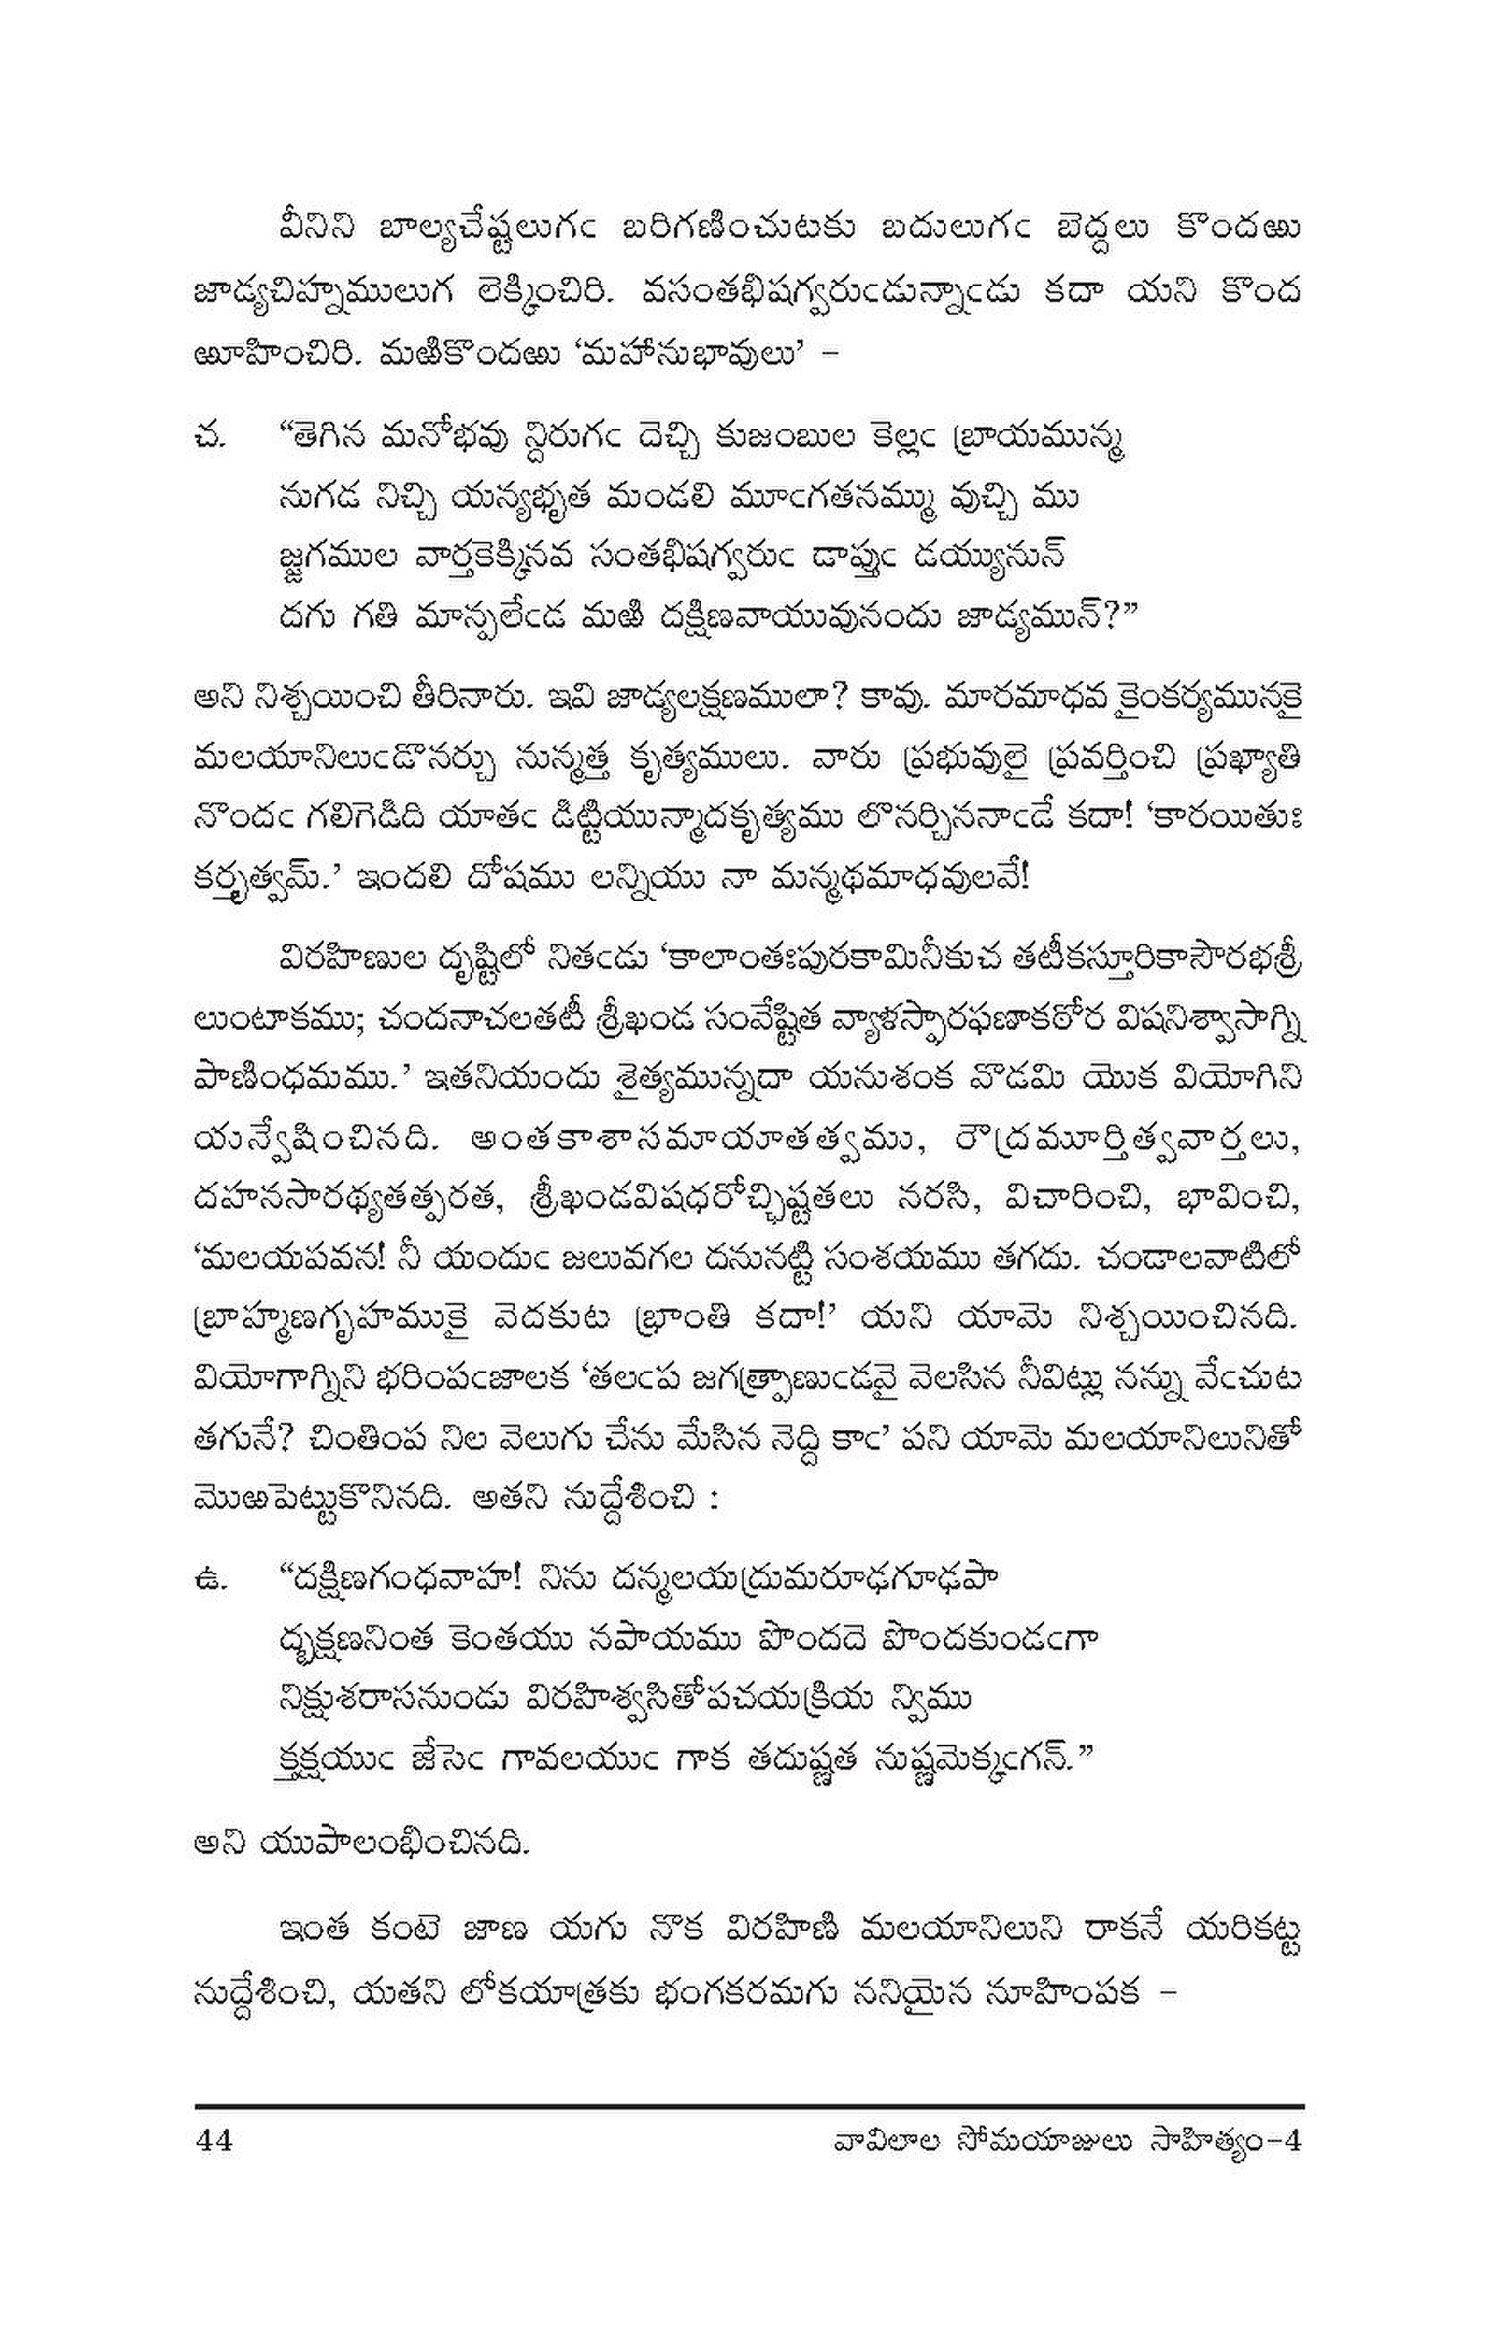వీనిని బాల్యచేష్టలుగఁ బరిగణించుటకు బదులుగఁ బెద్దలు కొందఱు
జాడ్యచిహ్నములుగ లెక్కించిరి. వసంతభిషగ్వరుఁడున్నాఁడు కదా యని కొంద
ఱూహించిరి. మఱికొందఱు 'మహానుభావులు' -

చ. “తెగిన మనోభవు న్దిరుగఁ దెచ్చి కుజంబుల కెల్లఁ బ్రాయమున్మ
 నుగడ నిచ్చి యన్యభృత మండలి మూఁగతనమ్ము వుచ్చి ము
 జ్జగముల వార్తకెక్కినవ సంతభిషగ్వరుఁ డాప్తుఁ డయ్యునున్
 దగు గతి మాన్పలేఁడ మఱి దక్షిణవాయువునందు జాడ్యమున్?"

అని నిశ్చయించి తీరినారు. ఇవి జాడ్యలక్షణములా? కావు. మారమాధవ కైంకర్యమునకై
మలయానిలుఁడొనర్చు నున్మత్త కృత్యములు. వారు ప్రభువులై ప్రవర్తించి ప్రఖ్యాతి
నొందఁ గలిగెడిది యాతఁ డిట్టియున్మాదకృత్యము లొనర్చిననాఁడే కదా! 'కారయితుః
కర్తృత్వమ్.' ఇందలి దోషము లన్నియు నా మన్మథమాధవులవే !

విరహిణుల దృష్టిలో నితఁడు 'కాలాంతఃపురకామినీకుచ తటీకస్తూరికాసౌరభశ్రీ
లుంటాకము; చందనాచలతటీ శ్రీఖండ సంవేష్టిత వ్యాళస్ఫారఫణాకఠోర విషనిశ్వాసాగ్ని
పాణింధమము.’ ఇతనియందు శైత్యమున్నదా యనుశంక వొడమి యొక వియోగిని
యన్వేషించినది. అంతకాశాసమాయాతత్వము, రౌద్రమూర్తిత్వవార్తలు,
దహనసారథ్యతత్పరత, శ్రీఖండవిషధరోచ్ఛిష్టతలు నరసి, విచారించి, భావించి, 
‘మలయపవన! నీ యందుఁ జలువగల దనునట్టి సంశయము తగదు. చండాలవాటిలో
బ్రాహ్మణగృహముకై వెదకుట భ్రాంతి కదా!' యని యామె నిశ్చయించినది.
వియోగాగ్నిని భరింపఁజాలక 'తలఁప జగత్రాణుఁడవై వెలసిన నీవిట్లు నన్ను వేఁచుట
తగునే? చింతింప నిల వెలుగు చేను మేసిన నెద్ది కాఁ' పని యామె మలయానిలునితో
మొఱపెట్టుకొనినది. అతని నుద్దేశించి :

ఉ. "దక్షిణగంధవాహ! నిను దన్మలయద్రుమరూఢగూఢపా
 దృక్షణనింత కంతయు నపాయము పొందదె పొందకుండఁగా
 నిక్షుశరాసనుండు విరహిశ్వసితోపచయక్రియ న్విము
 క్తక్షయుఁ జేసెఁ గావలయుఁ గాక తదుష్టత నుష్టమెక్కఁగన్.”

అని యుపాలంభించినది.

ఇంత కంటె జాణ యగు నొక విరహిణి మలయానిలుని రాకనే యరికట్ట
నుద్దేశించి, యతని లోకయాత్రకు భంగకరమగు ననియైన నూహింపక -